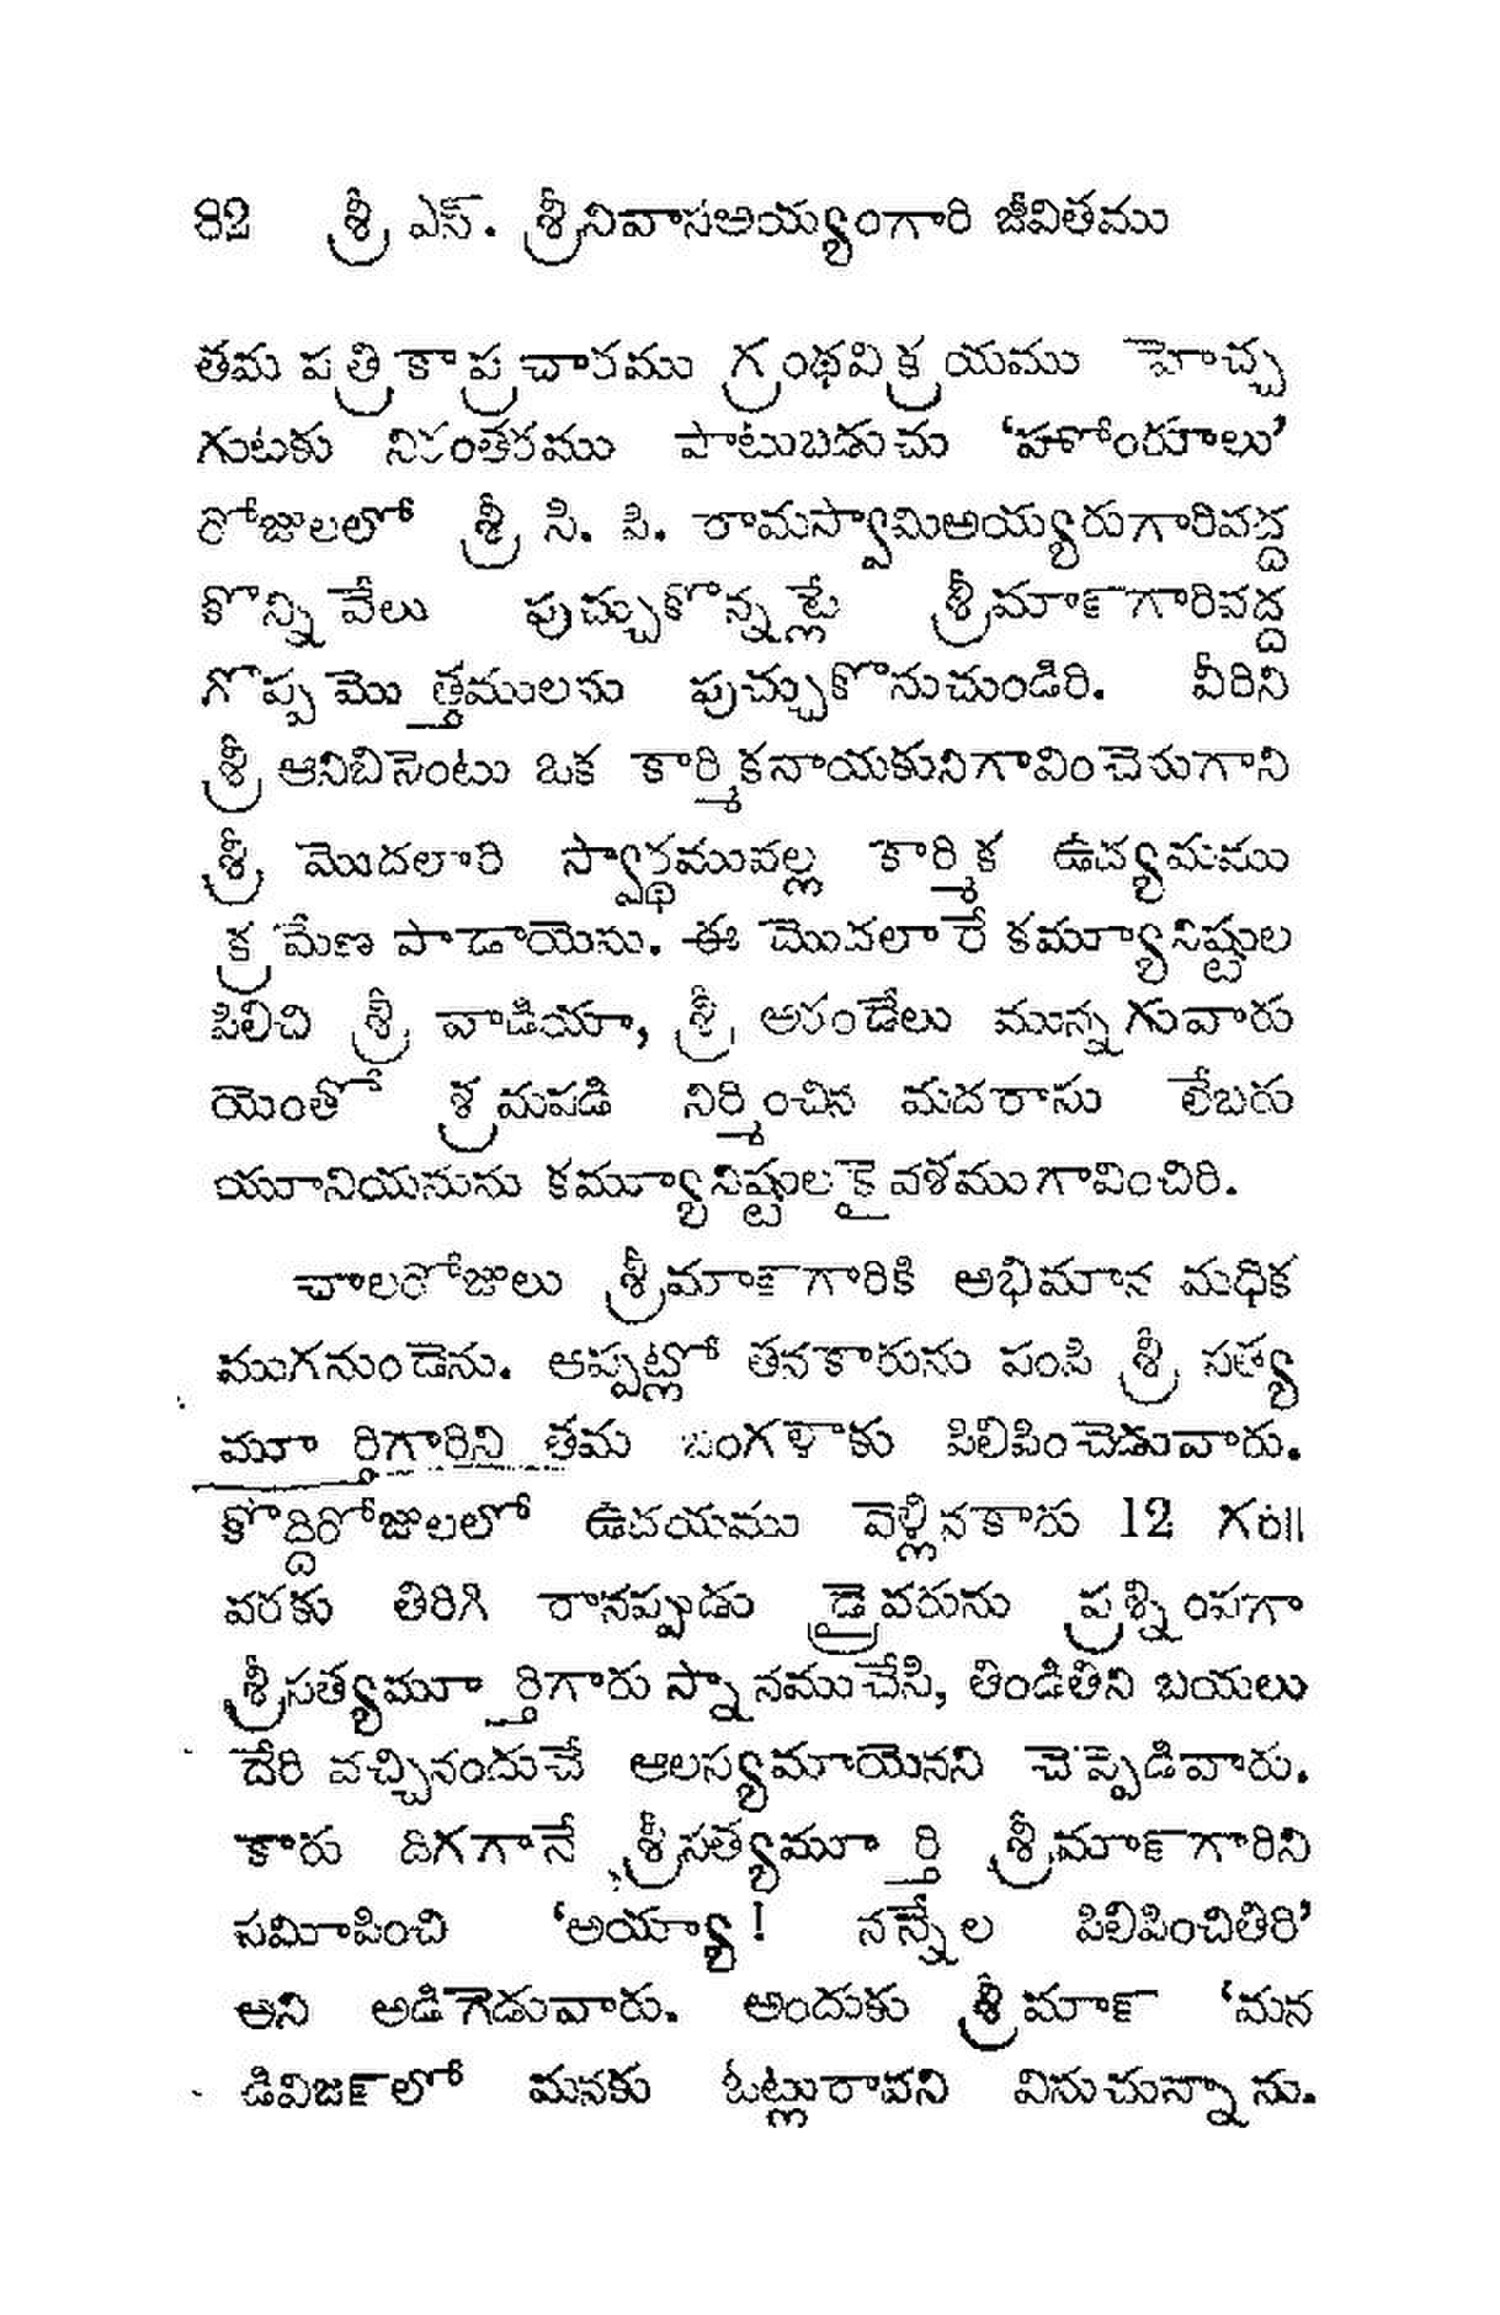తమ పత్రికాప్రచారము గ్రంథవిక్రయము హెచ్చగుటకు నిరంతరము పాటుబడుచు 'హోంరూలు' రోజులలో శ్రీ సి. పి. రామస్వామిఅయ్యరుగారివద్ద కొన్నివేలు పుచ్చుకొన్నట్లే శ్రీమా౯గారివద్ద గొప్పమొత్తములను పుచ్చుకొనుచుండిరి. వీరిని శ్రీ ఆనిబిసెంటు ఒక కార్మికనాయకునిగావించెనుగాని శ్రీ మొదలారి స్వార్థమువల్ల కార్మిక ఉద్యమము క్రమేణ పాడాయెను. ఈ మొదలారేకమ్యూనిష్టుల పిలిచి శ్రీ వాడియా, శ్రీ అరండేలు మున్నగువారు యెంతో శ్రమపడి నిర్మించిన మదరాసు లేబరు యూనియసును కమ్యూనిష్టులకైవశముగావించిరి.

చాలరోజులు శ్రీమా౯గారికి అభిమాన మధికముగనుండెను. అప్పట్లో తనకారును పంపి శ్రీ సత్యమూర్తిగారిని తమ బంగళాకు పిలిపించెడువారు. కొద్దిరోజులలో ఉదయము వెళ్లినకారు 12 గం!! వరకు తిరిగి రానప్పుడు డ్రైవరును ప్రశ్నింపగా శ్రీసత్యమూర్తిగారు స్నానముచేసి, తిండితిని బయలుదేరి వచ్చినందుచే ఆలస్యమాయెనని చెప్పెడివారు. కారు దిగగానే శ్రీసత్యమూర్తి శ్రీమ౯గారిని సమీపించి 'అయ్యా ! నన్నేల పిలిపించితిరి'
అని అడిగెడువారు. అందుకు శ్రీమా౯ 'మనడివిజ౯లో మనకు ఓట్లురావని వినుచున్నాను.